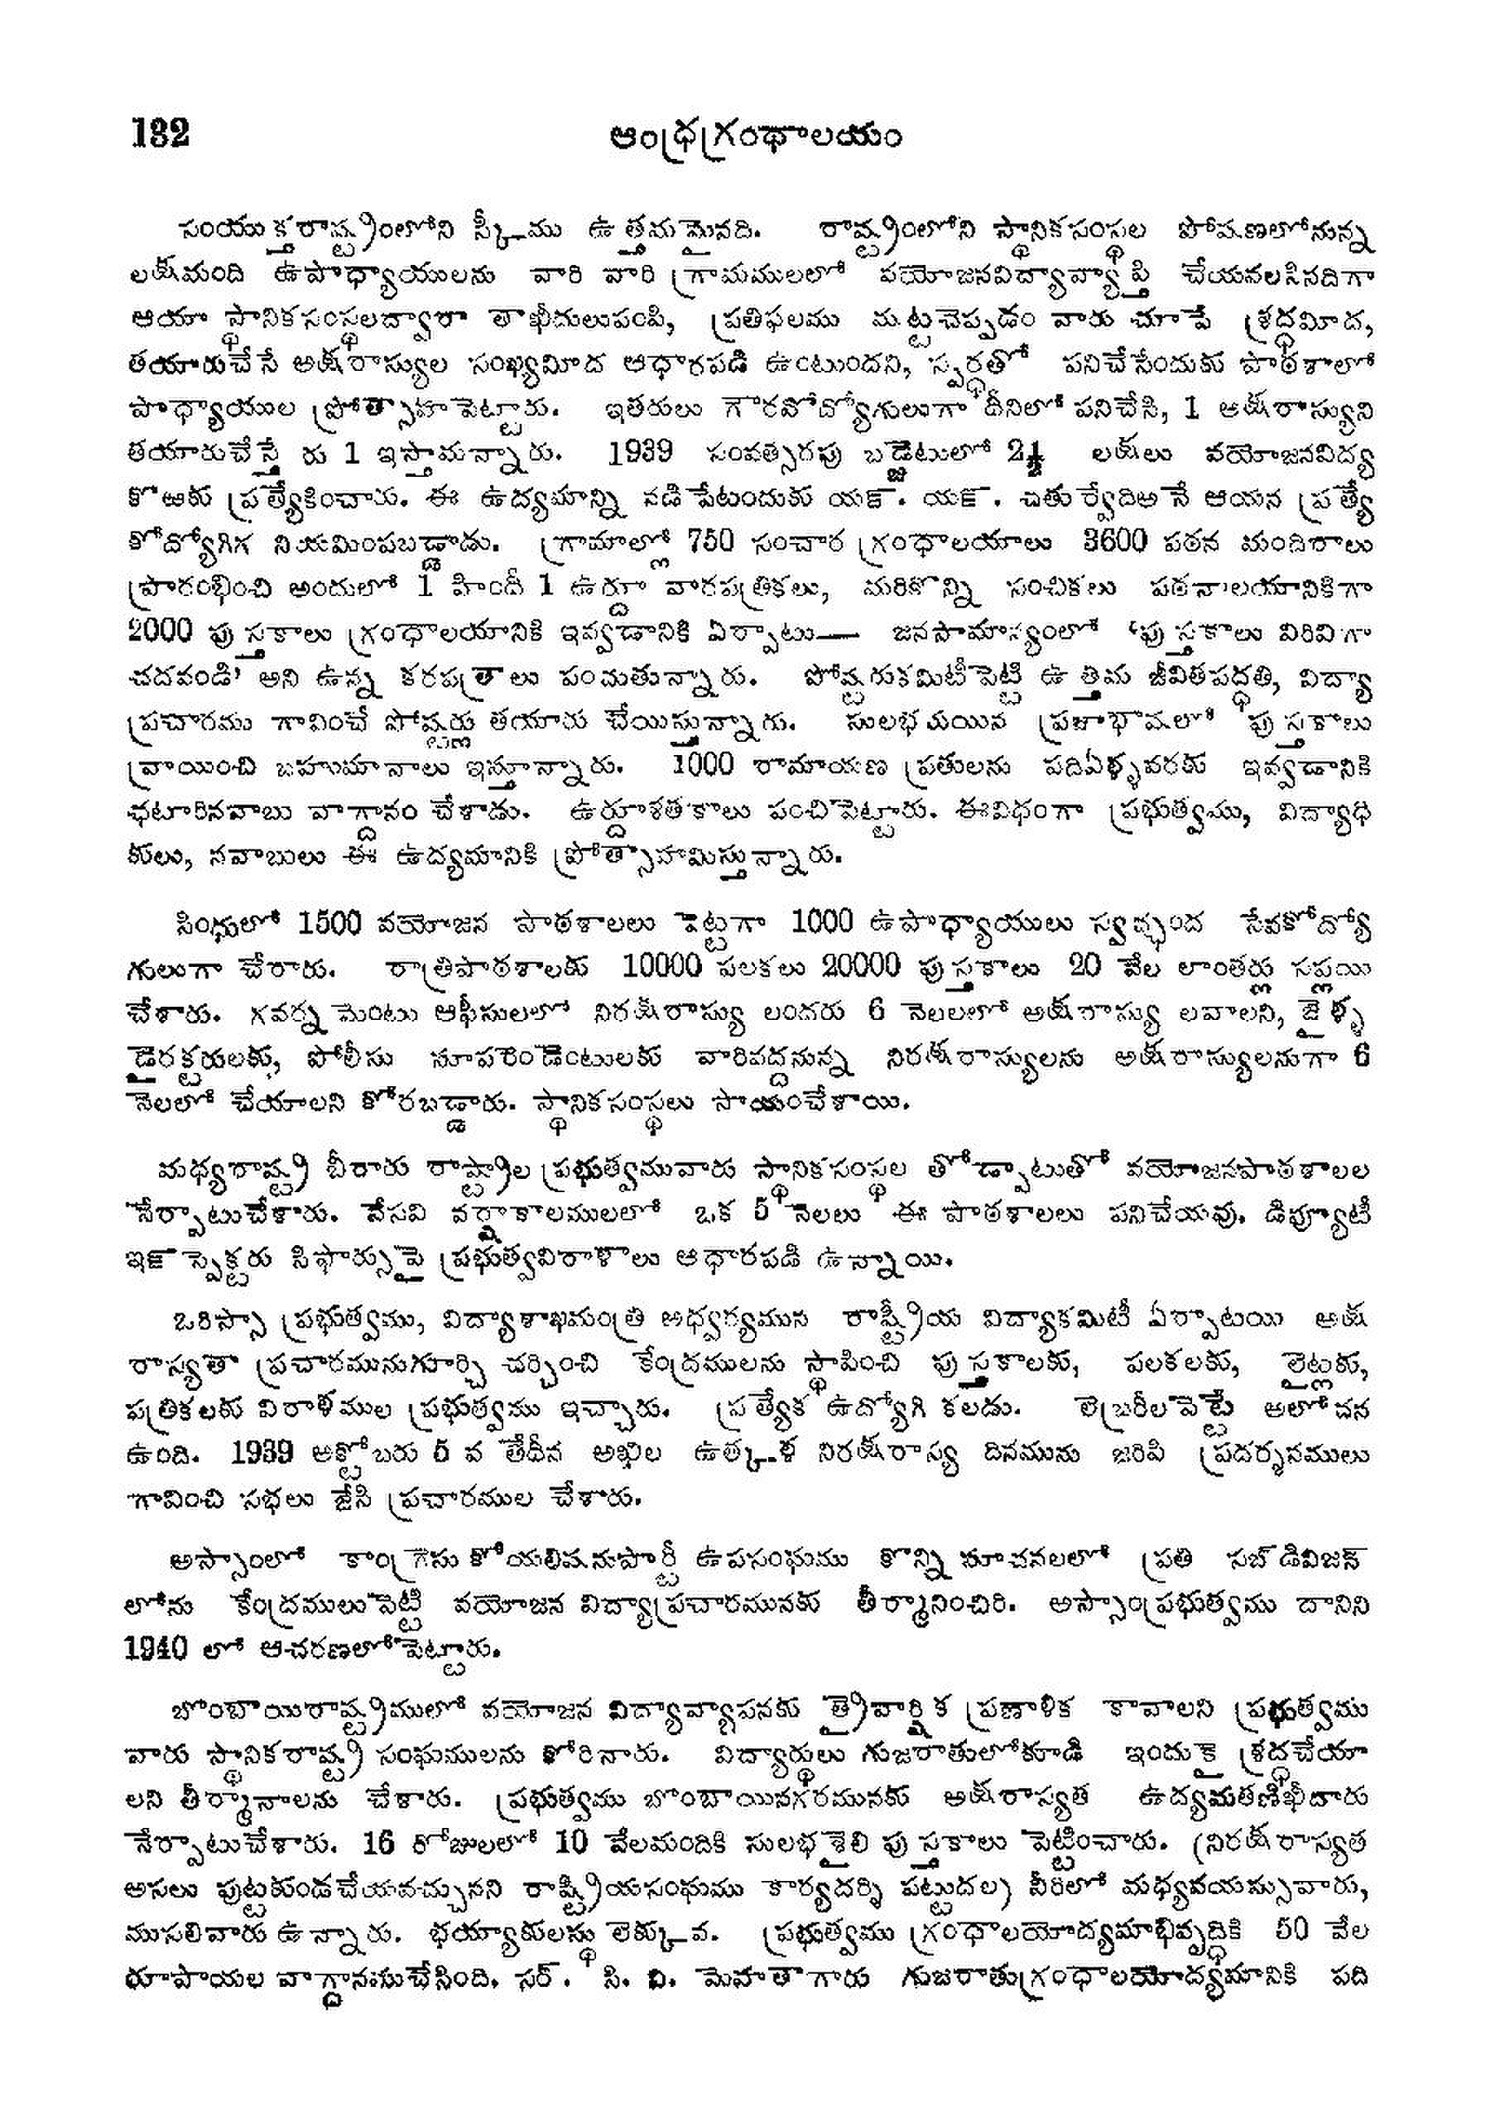సంయుక్త రాష్ట్రంలోని స్కీము ఉత్తమమైనది. రాష్ట్రంలోని స్థానికసంస్థల పోషణలోనున్న లక్షమంది ఉపాధ్యాయులను వారి వారి గ్రామములలో వయోజన విద్యావ్యాప్తి చేయవలసినదిగా ఆయా స్థానిక సంస్థలద్వారా తాఖీదులు పంపి, ప్రతిఫలము మట్టచెప్పడం 
వారు చూపే శ్రద్ధమీద, తయారుచేసే అక్షరాస్యుల సంఖ్యమీద ఆధారపడి ఉంటుందని, స్పర్ధతో పనిచేసేందుకు 
పాఠశాలోపాధ్యాయుల ప్రోత్సాహపెట్టారు. ఇతరులు గౌరవోద్యోగులుగా దీనిలో పనిచేసి, 1 ఆక్షరాస్యుని తయారుచేస్తే రు1 ఇస్తామన్నారు. 1939 సంవత్సరపు బడ్జెటులో 2 1/2 లక్షలు వయోజనవిద్యకోఱకు ప్రత్యేకించారు. ఈ ఉద్యమాన్ని నడి పేటందుకు య౯.య౯. చతుర్వేదిఅనే ఆయన ప్రత్యేకోద్యోగిగా నియమింపబడ్డాడు. గ్రామాల్లో 750 సంచార గ్రంథాలయాలు 3600 పఠన మందిరాలు
ప్రారంభించి అందులో 1 హిందీ 1 ఉర్దూ వారపత్రికలు, మరికొన్ని సంచికలు పఠనాలయానికిగా 2000 పుస్తకాలు గ్రంథాలయానికి
ఇవ్వడానికి ఏర్పాటు - జనసామాన్యంలో 'పుస్తకాలు విరివిగా చదవండి' అని ఉన్న కరపత్రాలు పంచుతున్నారు. పోష్టరుకమిటీ 
పెట్టి ఉత్తమ జీవితపద్ధతి, విద్యాప్రచారము గావించే పోస్టర్లు తయారు చేయిస్తున్నారు. సులభమయిన ప్రజాభాషలో 'పుస్తకాలు
వ్రాయించి బహుమానాలు ఇస్తూన్నారు. 1000 రామాయణ ప్రతులను పదిఏళ్ళవరకు ఇవ్వడానికి ఛటారినవాబు వాగ్దానం చేశాడు. ఉర్దూశతకాలు పంచిపెట్టారు. ఈ విధంగా ప్రభుత్వము, విద్యాధికులు, నవాబులు ఈ ఉద్యమానికి ప్రోత్సాహమిస్తున్నారు.

సింధులో 1500 వయోజన పాఠశాలలు పెట్టగా 1000 ఉపాధ్యాయులు స్వచ్ఛంద సేవకోద్యోగులుగా చేరారు. రాత్రిపాఠశాలకు 
10000 పలకలు 20000 పుస్తకాలు 20 వేల లాంతర్లు సప్లయి చేశారు. గవర్న మెంటు ఆఫీసులలో నిరక్షరాస్యులందరు 6 నెలలలో అక్షరాస్యులవాలని, జైళ్ళ డైరక్టరులకు, పోలీసు సూపరెండెంటులకు వారివద్దనున్న నిరక్షరాస్యులను అక్షరాస్యులనుగా 6 నెలలో 
చేయాలని కోరబడ్డారు. స్థానిక సంస్థలు సాయంచేశాయి.

మధ్యరాష్ట్ర బీరారు రాష్ట్రాల ప్రభుత్వమువారు స్థానిక సంస్థల తోడ్పాటుతో వయోజనపాఠశాలల "నేర్పాటుచేశారు. నేసవి 
వర్షాకాలములలో ఒక 5 నెలలు ఈ పాఠశాలలు పనిచేయవు, డిప్యూటీ ఇ౯ స్పెక్టరు సిఫార్సుపై ప్రభుత్వవిరాళాలు ఆధారపడి 
ఉన్నాయి.

ఒరిస్సా ప్రభుత్వము, విద్యాశాఖమంత్రి అధ్వర్యముని రాష్ట్రీయ విద్యాకమిటీ ఏర్పాటయి అక్షరాస్యతా ప్రచారమును గూర్చి 
చర్చించి కేంద్రములను స్థాపించి పుస్తకాలకు, పలకలకు, లైట్లకు,పత్రికలకు విరాళముల ప్రభుత్వము ఇచ్చారు. ప్రత్యేక 
ఉద్యోగి కలదు. లేబ్రరీల పెట్టే అలోచన ఉంది. 1939 అక్టోబరు 5వ తేదీన అఖిల ఉత్కళ నిరక్షరాస్య దినమును జరిపి 
ప్రదర్శనములు గావించి సభలు జేసి ప్రచారములు చేశారు.

అస్సాంలో కాంగ్రేసుకోయలిషాను పార్టీ ఉపసంఘము కొన్ని సూచనలలో ప్రతి సబ్ డివిజన్ లోను కేంద్రములు పెట్టి వయోజన విద్యాప్రచారమునకు తీర్మానించిరి. అస్సాం ప్రభుత్వము దానిని 1940 లో ఆచరణలో పెట్టారు.

బోంబాయిరాష్ట్రములో వయోజన విద్యావ్యాపనకు త్రైవార్షిక ప్రణాళిక కావాలని ప్రభుత్వము వారు స్థానిక రాష్ట్ర సంఘములను 
కోరినారు. విద్యార్థులు గుజరాతులోకూడి ఇందుకై శ్రద్ధచేయాలని తీర్మానాలను చేశారు. ప్రభుత్వము బోంబాయి నగరమునకు
అక్షరాస్యత ఉద్యమతణిఖీ దారు నేర్పాటుచేశారు. 16 రోజులలో 10 వేలమందికి సులభశైలి పుస్తకాలు పెట్టించారు. (నిరక్షరాస్యత
అసలు పుట్టకుండ చేయవచ్చునని రాష్ట్రీయసంఘము కార్యదర్శి పట్టుదల) వీరిలో మధ్యవయస్సువారు,ముసలివారు ఉన్నారు. భయ్యాకులస్థు లెక్కువ. ప్రభుత్వము గ్రంథాలయోద్యమాభివృద్ధికి 50 వేల రూపాయల వాగ్దానము చేసింది, సర్.సి.వి. 
మెహతాగారు గుజరాతు గ్రంధాలయోద్యమానికి పది